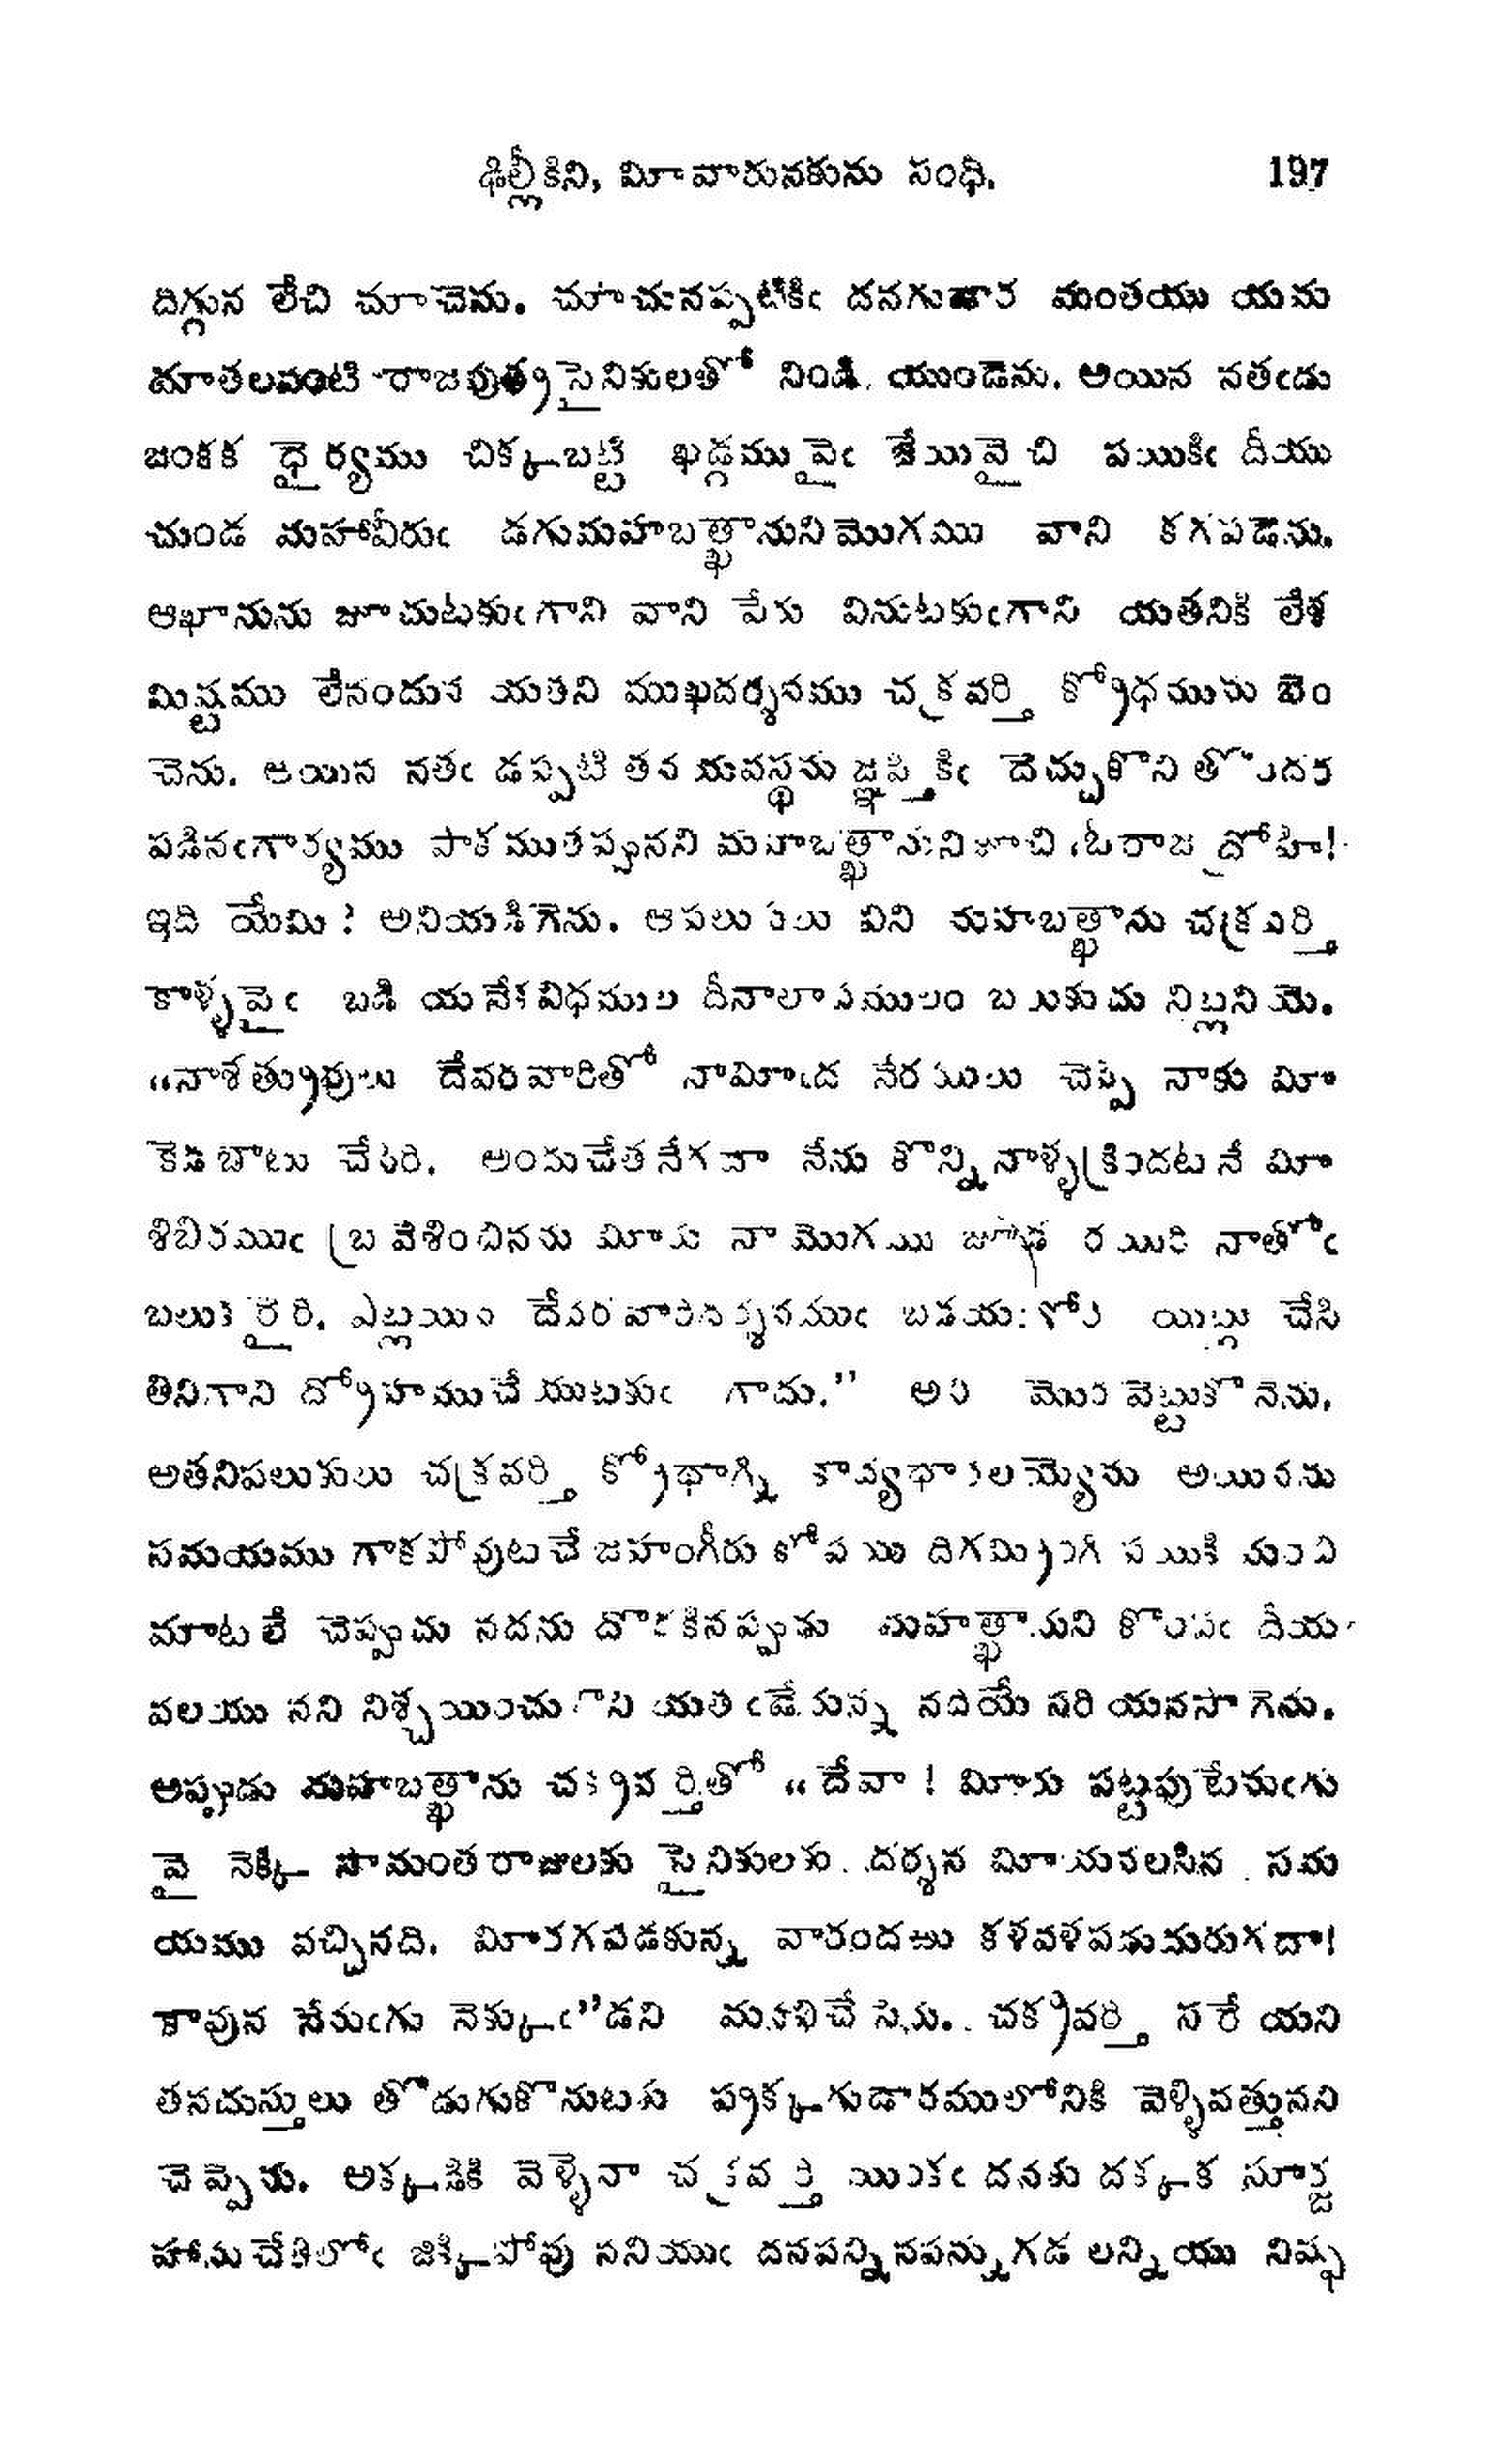దిగ్గున లేచి చూచెను. చూచునప్పటికిఁ దనగుడార మంతయు యమదూతలవంటి రాజపుత్ర సైనికులతో నిండి, యుండెను. అయిన నతఁడు జంకక ధైర్యము చిక్కబట్టి ఖడ్గముపైఁ జేయివైచి పయికిఁ దీయుచుండ మహావీరుఁ డగుమహబత్ఖానుని మొగము వాని కగపడెను. ఆఖానును జూచుటకుఁ గాని వాని పేరు వినుటకుఁగాని యతనికి లేశ మిష్టము లేనందున యతని ముఖదర్శనము చక్రవర్తి క్రోధమును బెంచెను. అయిన నతఁ డప్పటి తన యవస్థను జ్ఞప్తికిఁ దెచ్చుకొని తొందరపడినఁగార్యము పాకముతప్పు నని మహబత్ఖానుని జూచి ఓ రాజ ద్రోహి! ఇది యేమి? అనిఅడిగెను. ఆపలుకులు విని మహబత్ఖాను చక్రవర్తి, కాళ్ళపైఁ బడి యనేక విధముల దీనాలాపములం బలుకుచు నిట్లనియె."నాశత్రువులు దేవర వారితో నామీఁద నేరములు చెప్పి నాకు మీ కెడబాటు చేసిరి. అందుచేతనే గదా నేను కొన్ని నాళ్ళ క్రిందటనే మీ శిబిరముఁ బ్రవేశించినను మీరు నా మొగము జూడ రయిరి నాతోఁ బలుకరైరి. ఎల్లయిం దేవరవారి దర్శనముఁ బడయగోరి యిట్లు చేసితిని గాని ద్రోహము చేయుటకుఁ గాదు." అని మొరపెట్టుకొనెను. అతనిపలుకులు చక్రవర్తి క్రోధాగ్ని కావ్యధారలయ్యెను అయినను సమయము గాక పోవుటచే జహంగీరు కోపము దిగమ్రింగి పయికి మంచి మాటలే చెప్పుచు నదను దొరకినప్పుడు మహబత్ఖానుని కొంపఁ దీయ వలయు నని నిశ్చయించుకోని యతఁడే మన్న నదియే సరి యనసాగెను. అప్పుడు మహబత్ఖాను చక్రవర్తితో " దేవా ! మీరు పట్టపు టేనుఁగుపై నెక్కి సామంత రాజులకు సైనికులకు, దర్శన మీయవలసిన సమయము వచ్చినది. మీరగపడకున్న వారందఱు కళవళపడుదురుగదా!
కావున నేనుఁగు నెక్కుఁ "డని మనవిచేసెను. చక్రవర్తి సరే యని తనదుస్తులు తొడుగుకొనుటకు పక్క గుడారములోనికి వెళ్ళివత్తునని చెప్పెను. అక్కడికి వెళ్ళేనా చక్రవర్తి యింకఁ దనకు దక్కక నూర్జహాను చేతిలోఁ జిక్కి పోవు ననియుఁ దనపన్నినపన్ను గడ లన్నియు నిష్ఫ